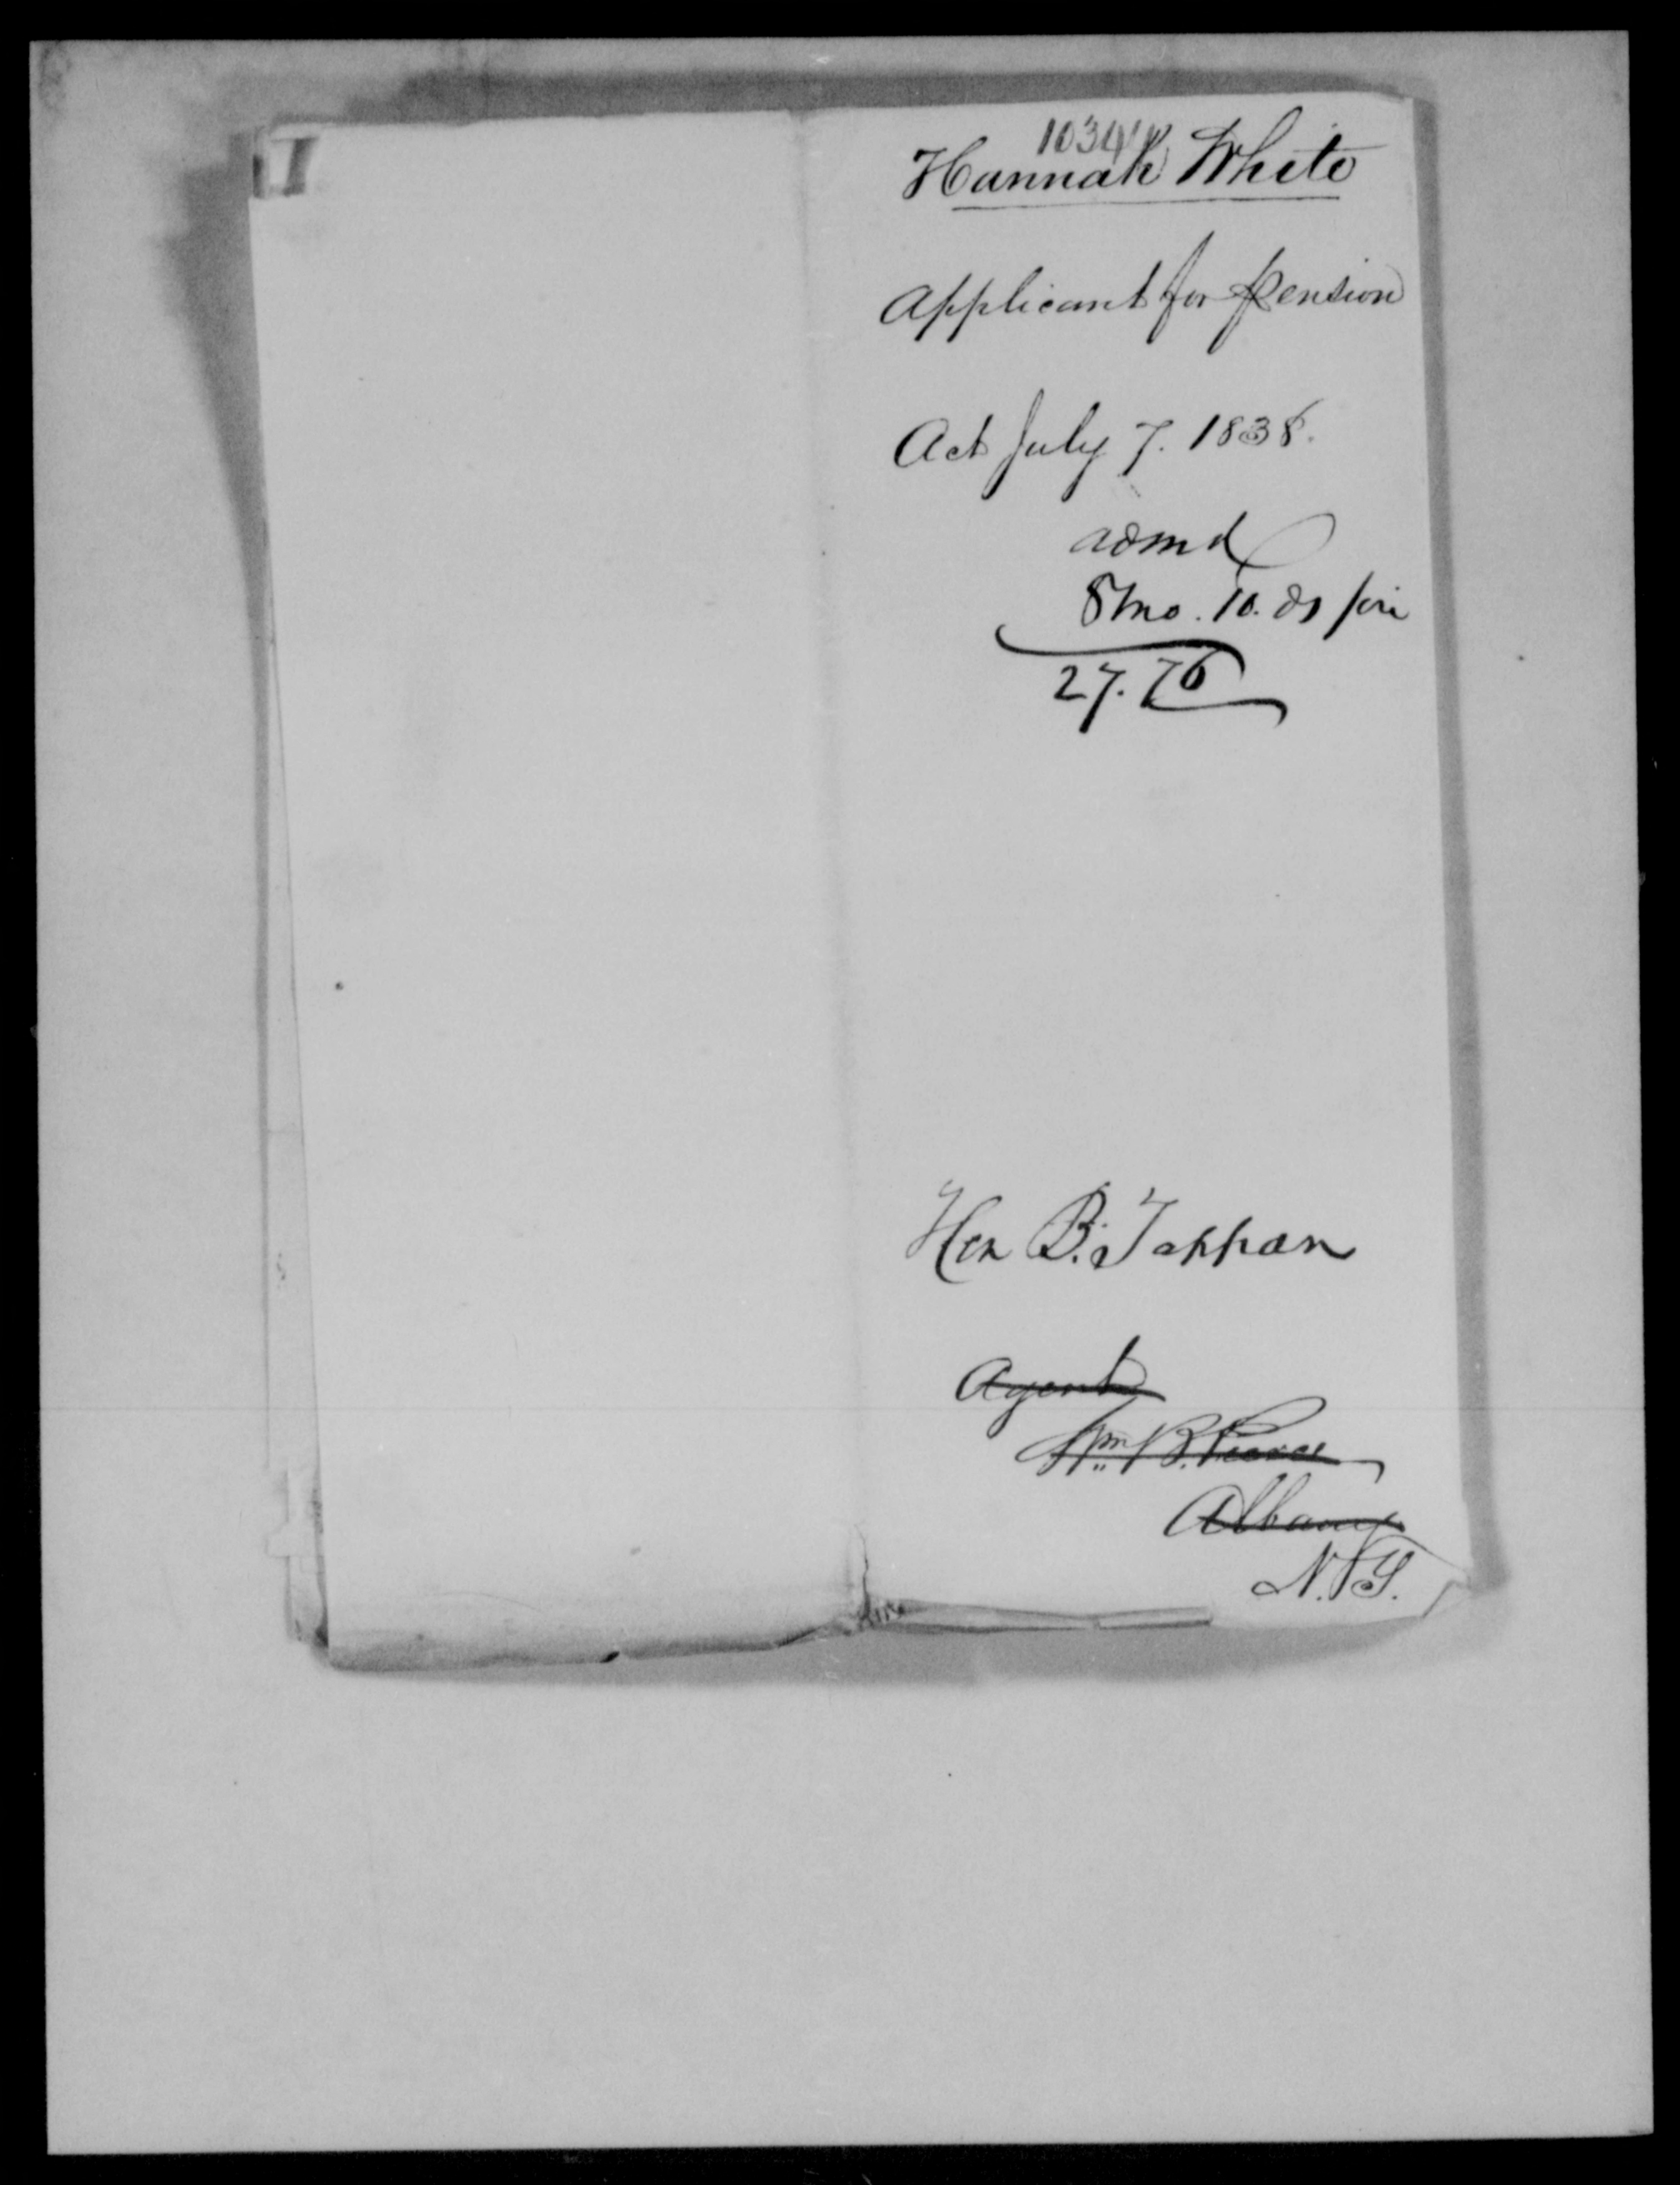10344

Hannah White

Applicant for Pension

Act July 7, 1838

admd 8 mos.10.00 June 27.76

Hon. B. Tappan

N.Y.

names: Wm B Pierce, Hannah White, B Tappan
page: 26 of 63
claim: widow's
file: W. 18403, David White, Conn.